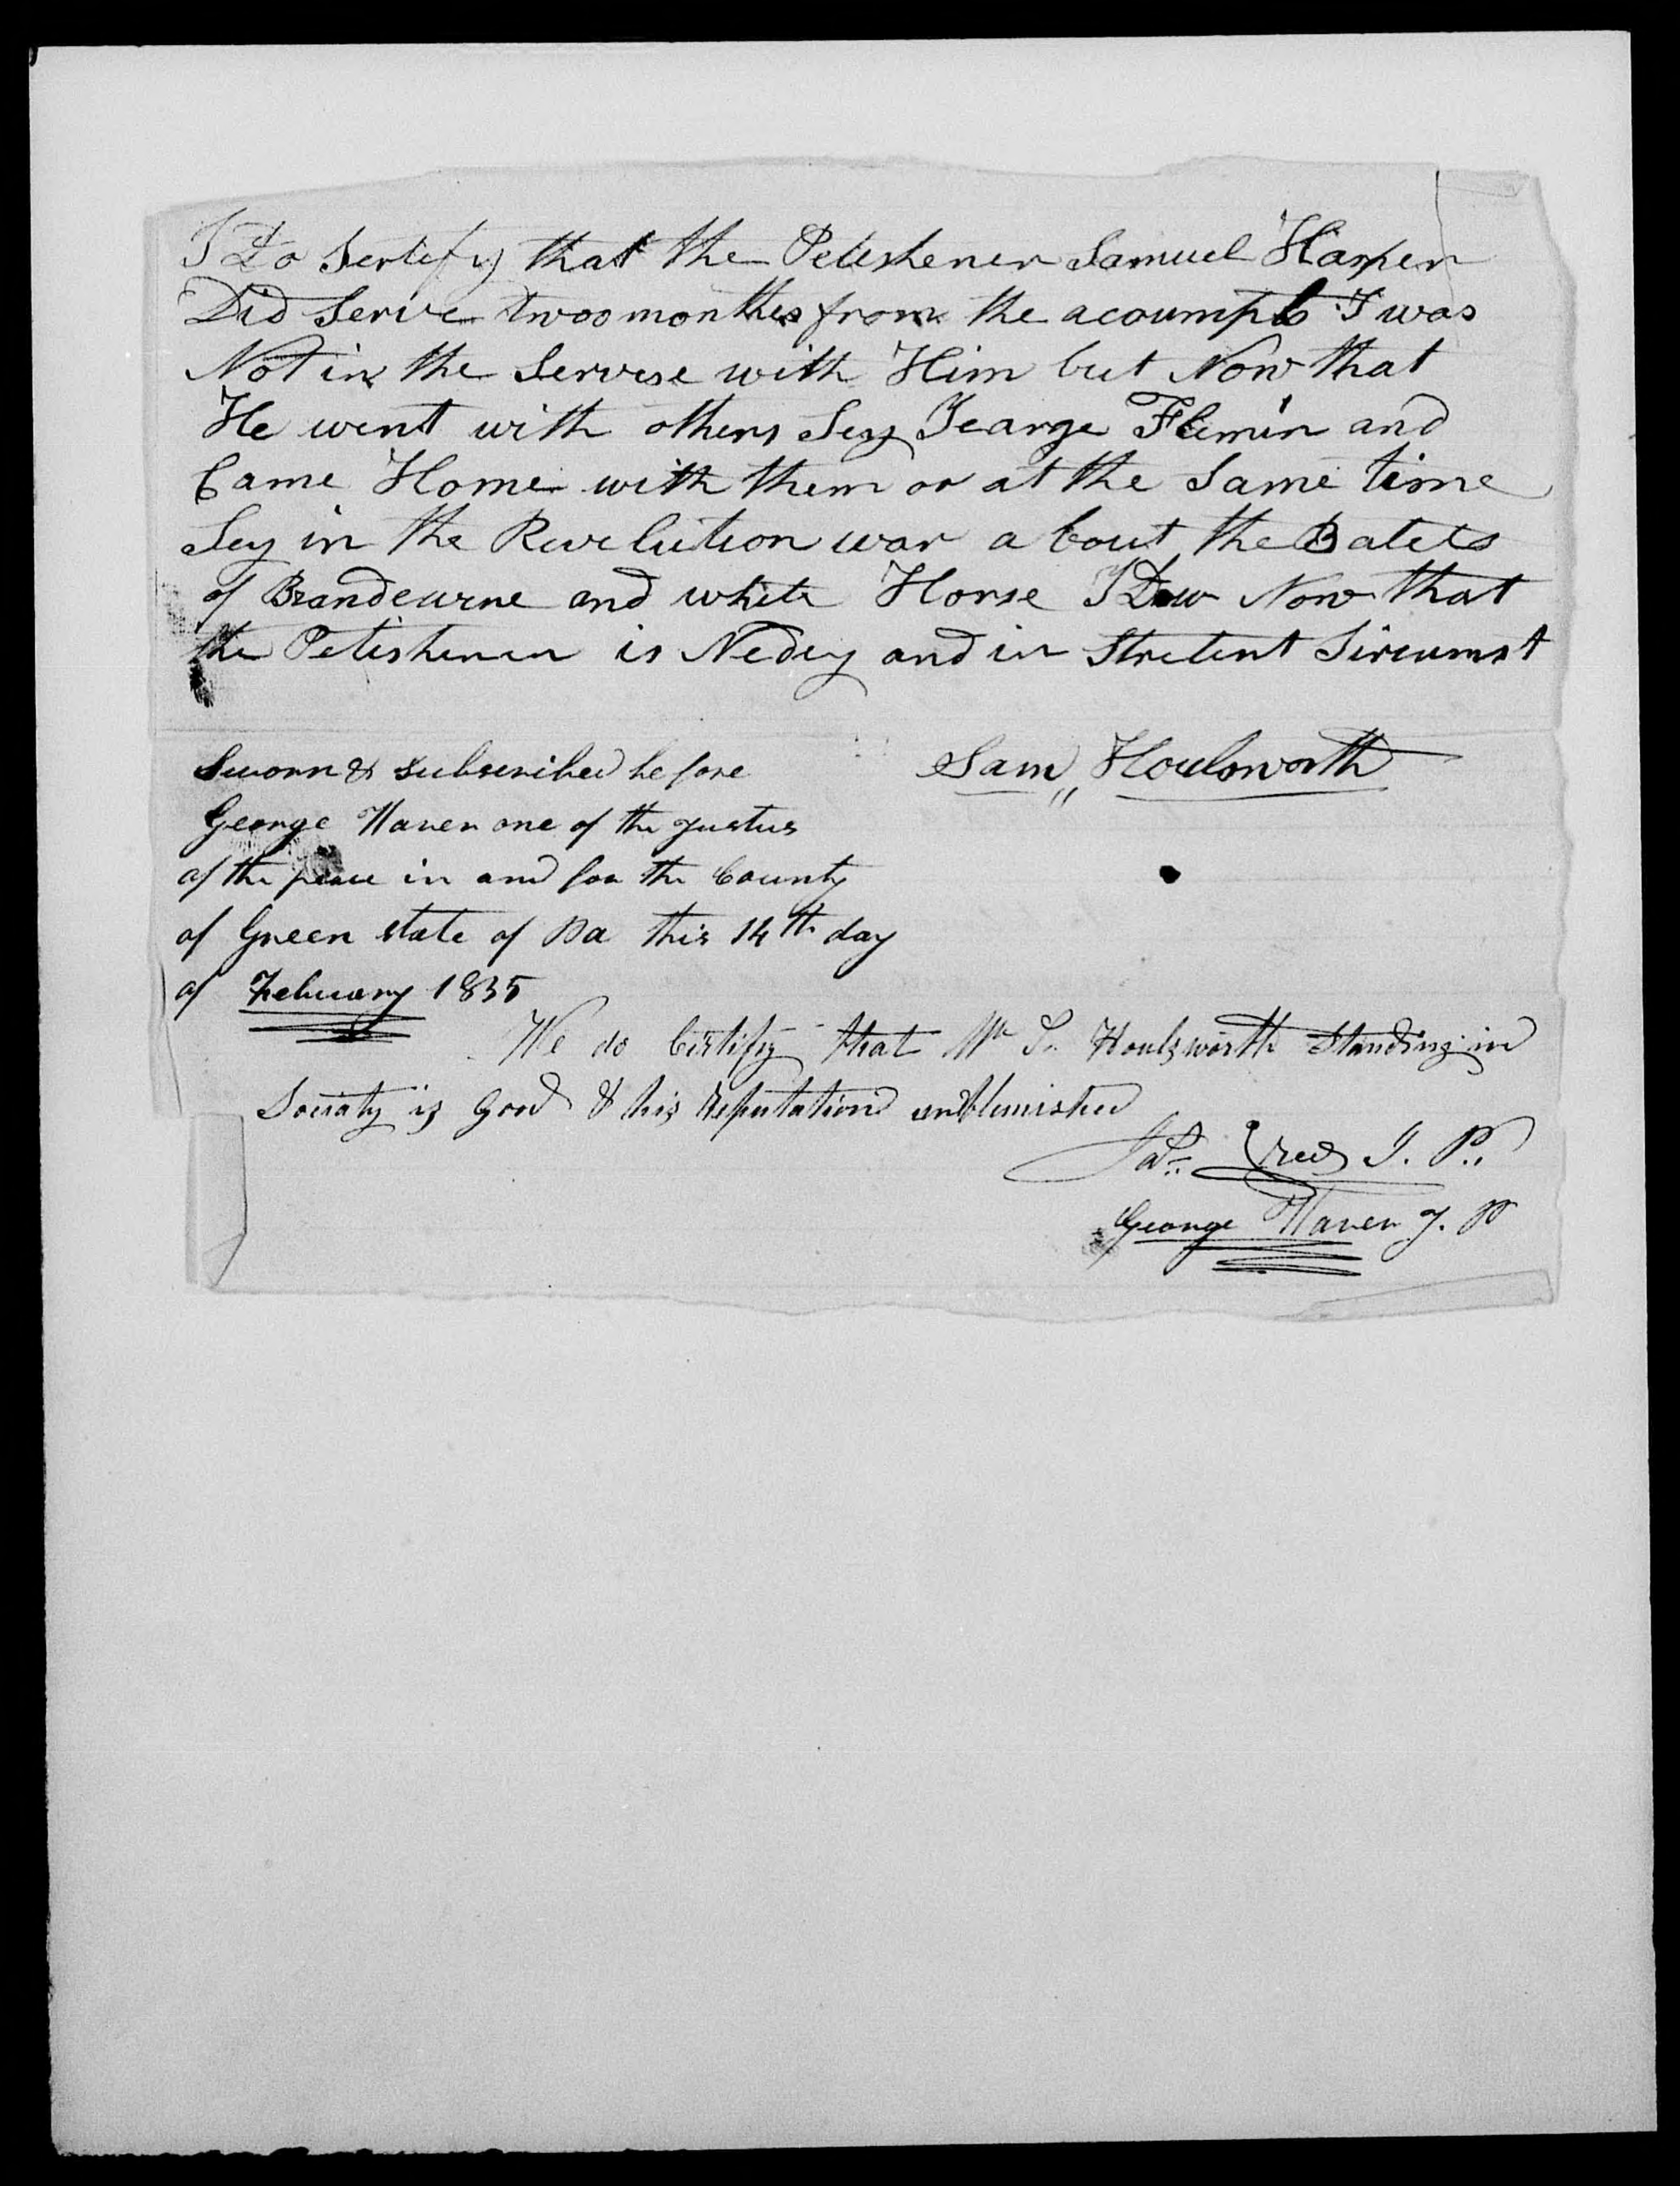I do certify that the Peteshener [Petitioner] Samuel Harper did serve two months from the accounts I was Not in the service with him but know that He went with others say George Flemin and came home with them or at the same time say in the Revolution war about the Batels [battles] of Brandywine and white Horse 
 I Dow know that the
Petishener is Nedy and in Stritent Circumst
Sam Houlsworth
Sworn n Subscribed before George Haven one of the Justus of the peace in and for the County of Green State of Pa this 14th day of February 1835
We do certify that Mr S Houlsworth standing in Society is Good & his reputation unblemished
Jas Crew J. P.
George Haven J.P.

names: S Houlsworth, Jas Crew, Samuel Harper, George Haver, George Haver, Sam Houlsworth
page: 73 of 81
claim: survivor's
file: S. 1908, Richard Harper, N.C.